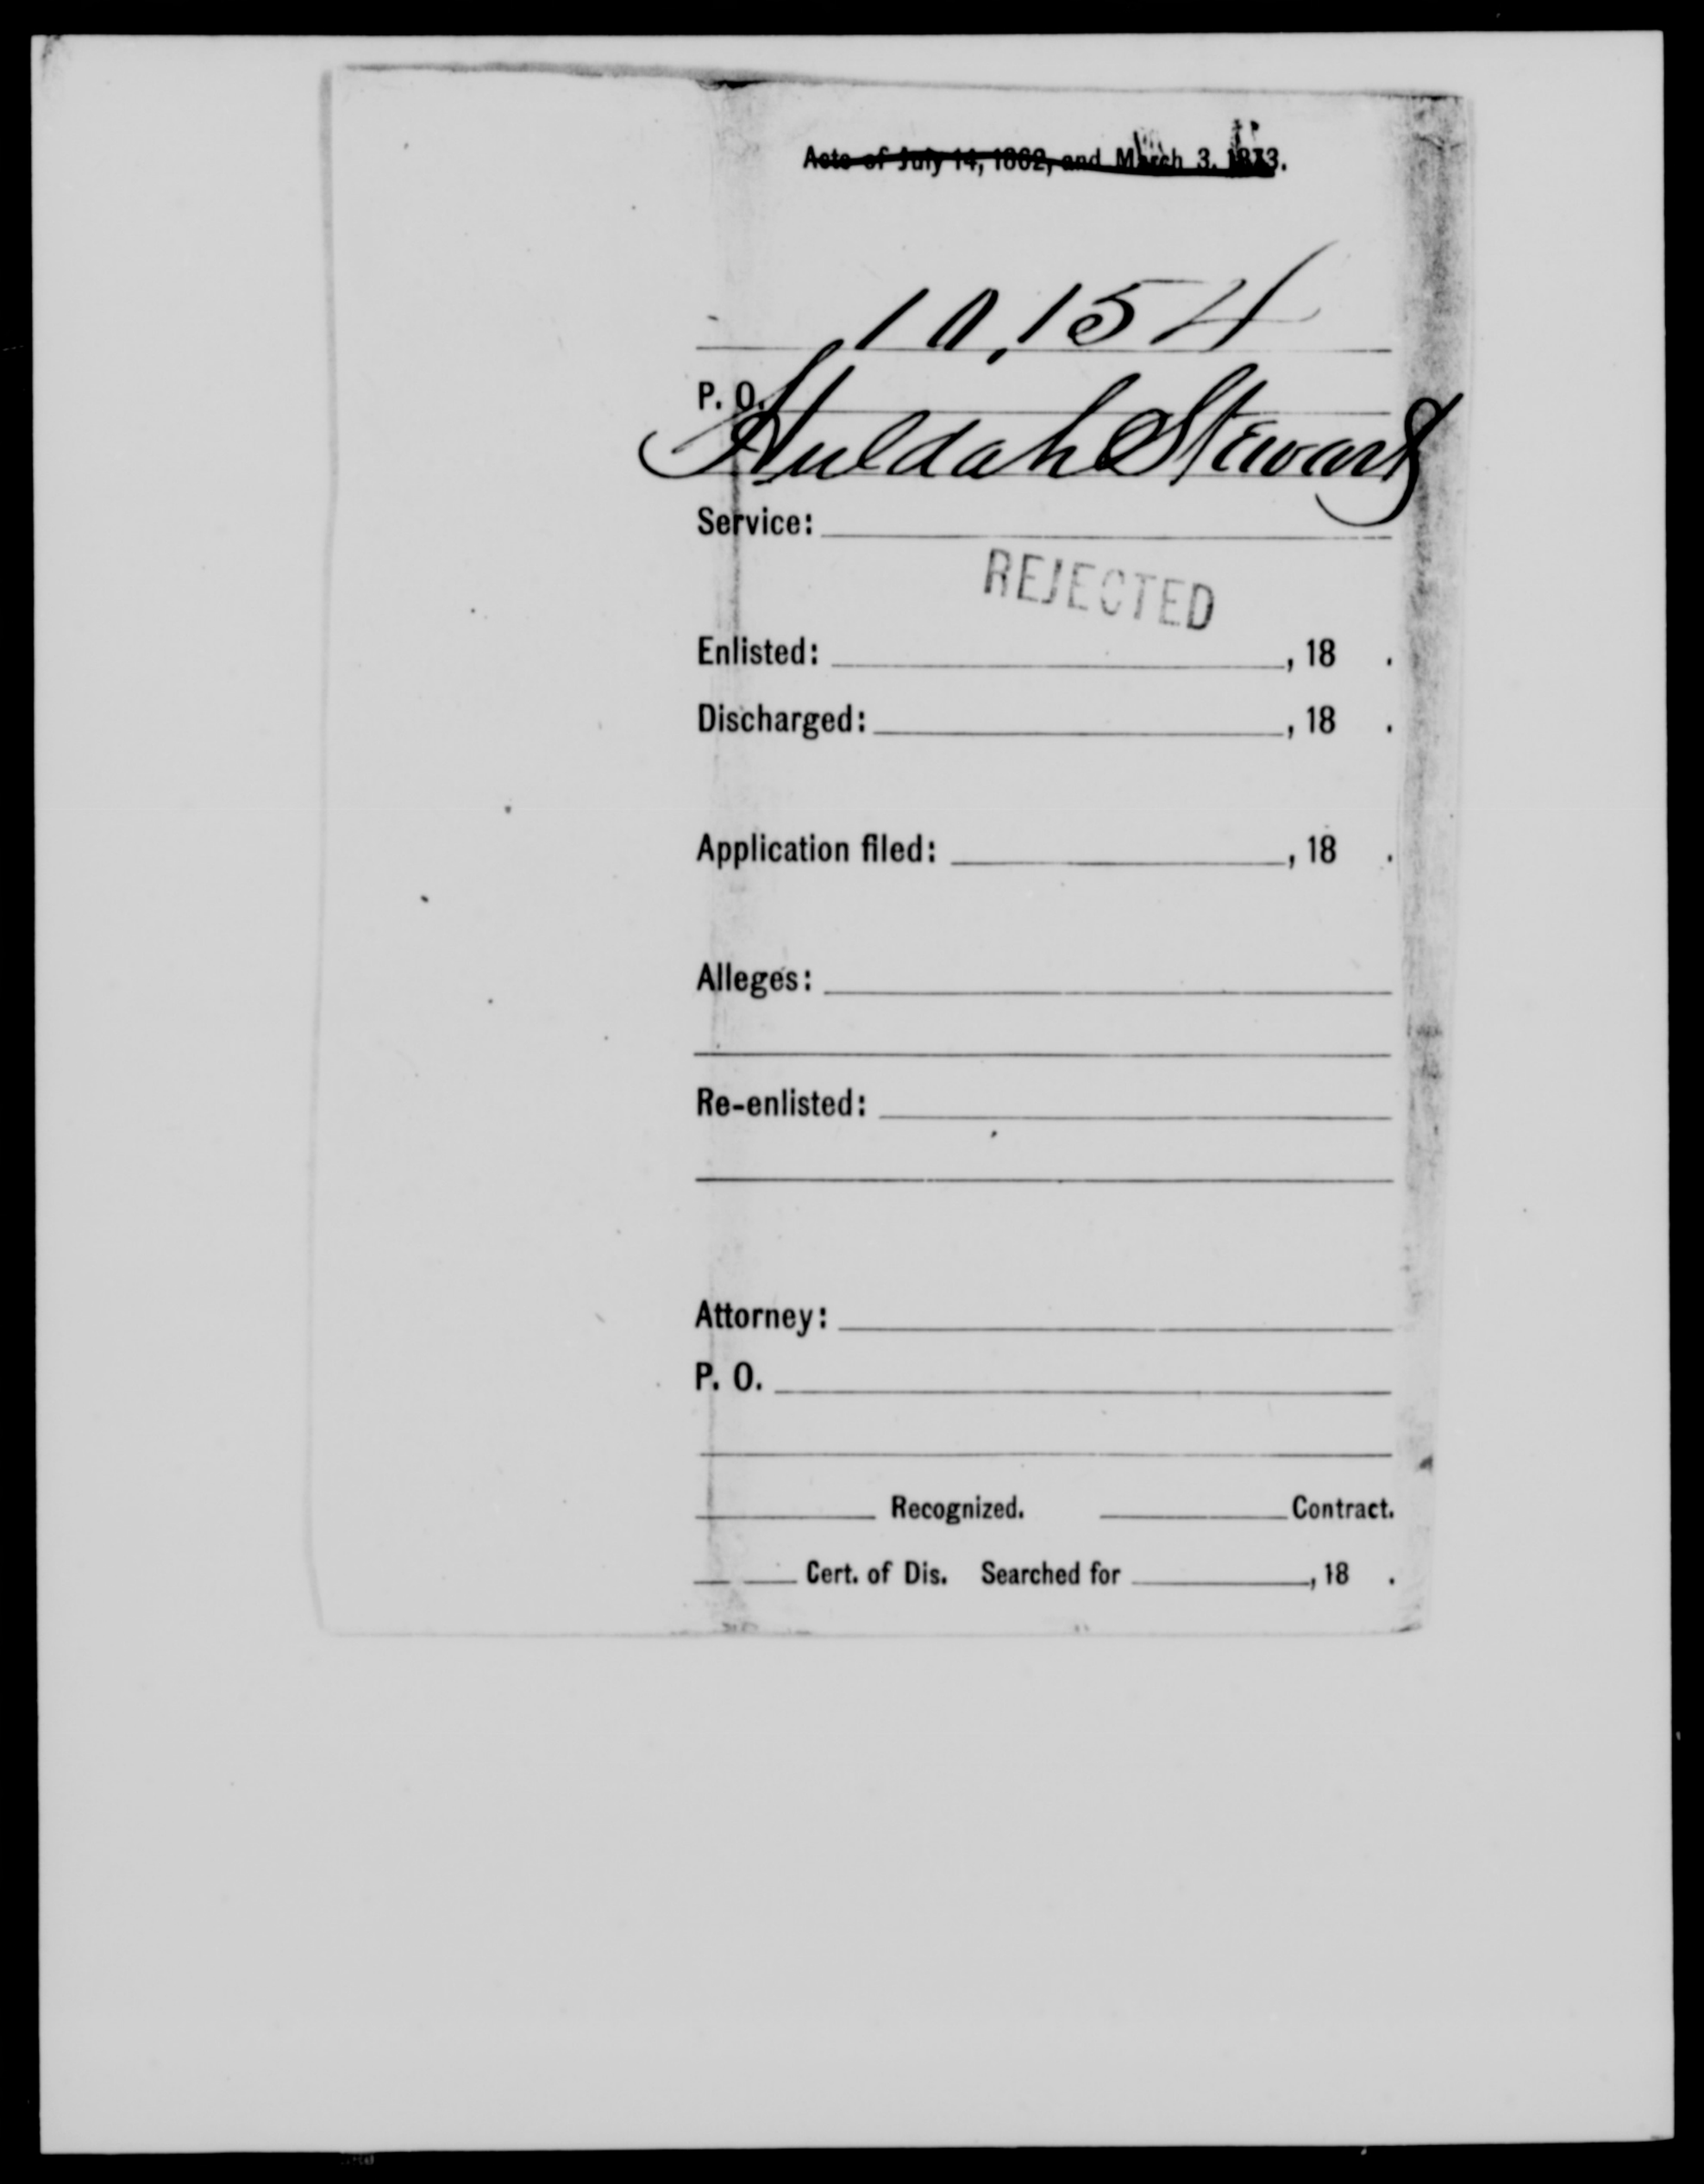10154
Huldah Stewart
Service:
Enlisted:
Discharged:
Application filed:
Alleges:
-
Re-enlisted:
Attorney:
P. O.
[Stamp] REJECTED
18
-
18
Recognized.
Contract.
Cert. of Dis. Searched for 18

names: Huldah Stewart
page: 26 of 26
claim: rejected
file: R. 10,154, for John Stewart, New Hampshire